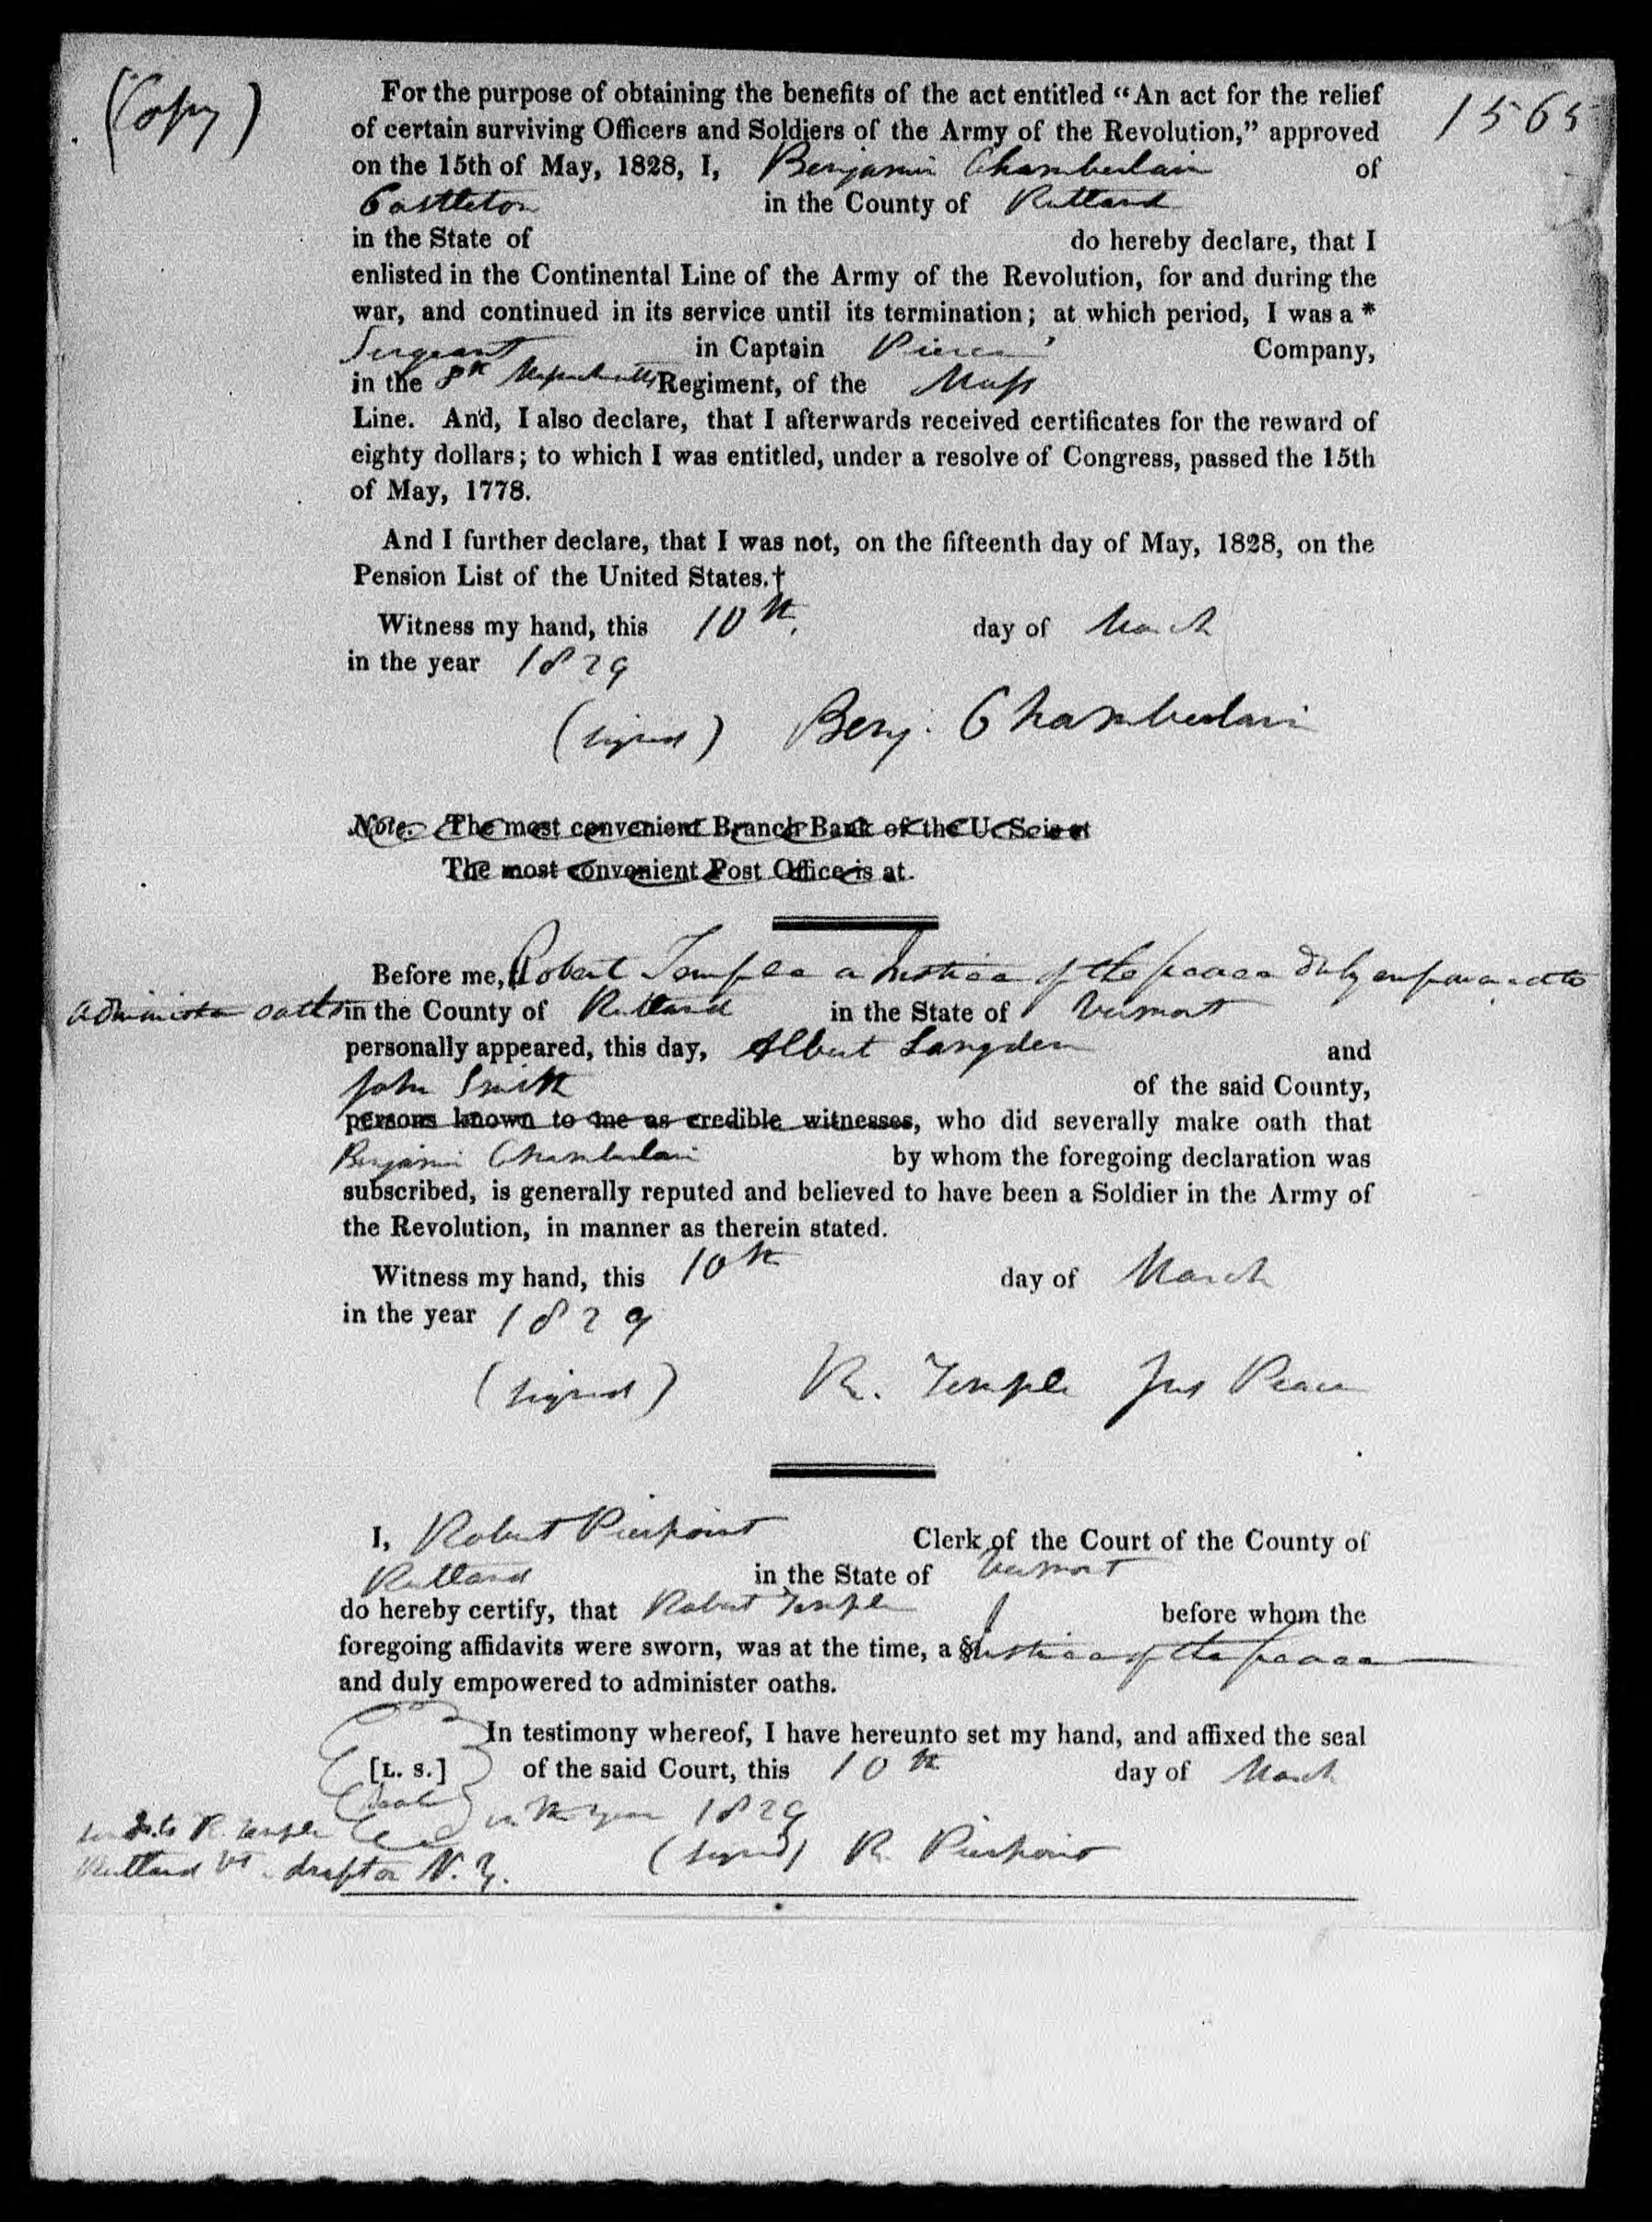(copy)   For the purpose of obtaining the benefits of the act entitled "An act for the relief of certain surviving Officers and Soldiers of the Army of the Revolution", approved on the 15th of May, 1828, I Benjamin Chamberlain of Castleton in the County of Rutland in the State of .......[blank].. do hereby declare, that I enlisted in the Continental Line of the Army of the Revolution, for and during the war, and continued in its service until termination; at which period, I was a Sergeant in Captain Pierces' Company, in the 8th Massachusetts Regiment of the Mass Line. And, I also declare, that I afterwards received certificates for the reward of eighty dollars; to which I was entitled, under a resolve of Congress, passed the 15th of May, 1778.
And I further declare, that I was not, on the fifteenth day of May, 1828, on the Pension List of the United States.
(signed) Benj Cha
Witness my hand this 10th day of March in the year 1829mberlain

[following 2 lines have been crossed out:
Note: The most convenient Branch Bank of the U.S. is at_____
 The most convenient Post Office is at_____]

Before me, Robert Temple a Justice of the Peace duly empowered to administer oaths in the County of Rutland in the State of Vermont personally appeared, this day, Albert Langden and John Smith of the said County, who did severally make oath that Benjamin Chamberlain by who the foregoing declaration was subscribed, is generally reputed and believed to have been a Soldier in the Army of the Revolution, in manner as therein states.
Witness my hand, this 10th day of March in the year 1829
(signed) R. Temple Jus Peace

I, Robert Pierpoint Clerk of the Court of the County of Rutland in the State of Vermont do hereby certify, that Robert Temple before whom the foregoing affidavits were sworn, was at the time a Justice of the Peace and duly empowered to administer oaths.
In testimony whereof, I have hereunto set my hand, and affixed the seal of the said Court, this 10th day of March in the year 1829
(signed) R, Pierpoint

send to R. Temple Rutland Vt, draft or N.Y.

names: R Pierpoint, Benj Chamberlin, Robert Temple, R Temple, Benjamin Chamberlain, Robert Temple, R Temple, Albert Langden, John Smith, Robert Pierpoint, Benjamin Chamberlain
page: 19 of 30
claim: survivor's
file: S. 39306, Benjamin Chamberlin, Mass.